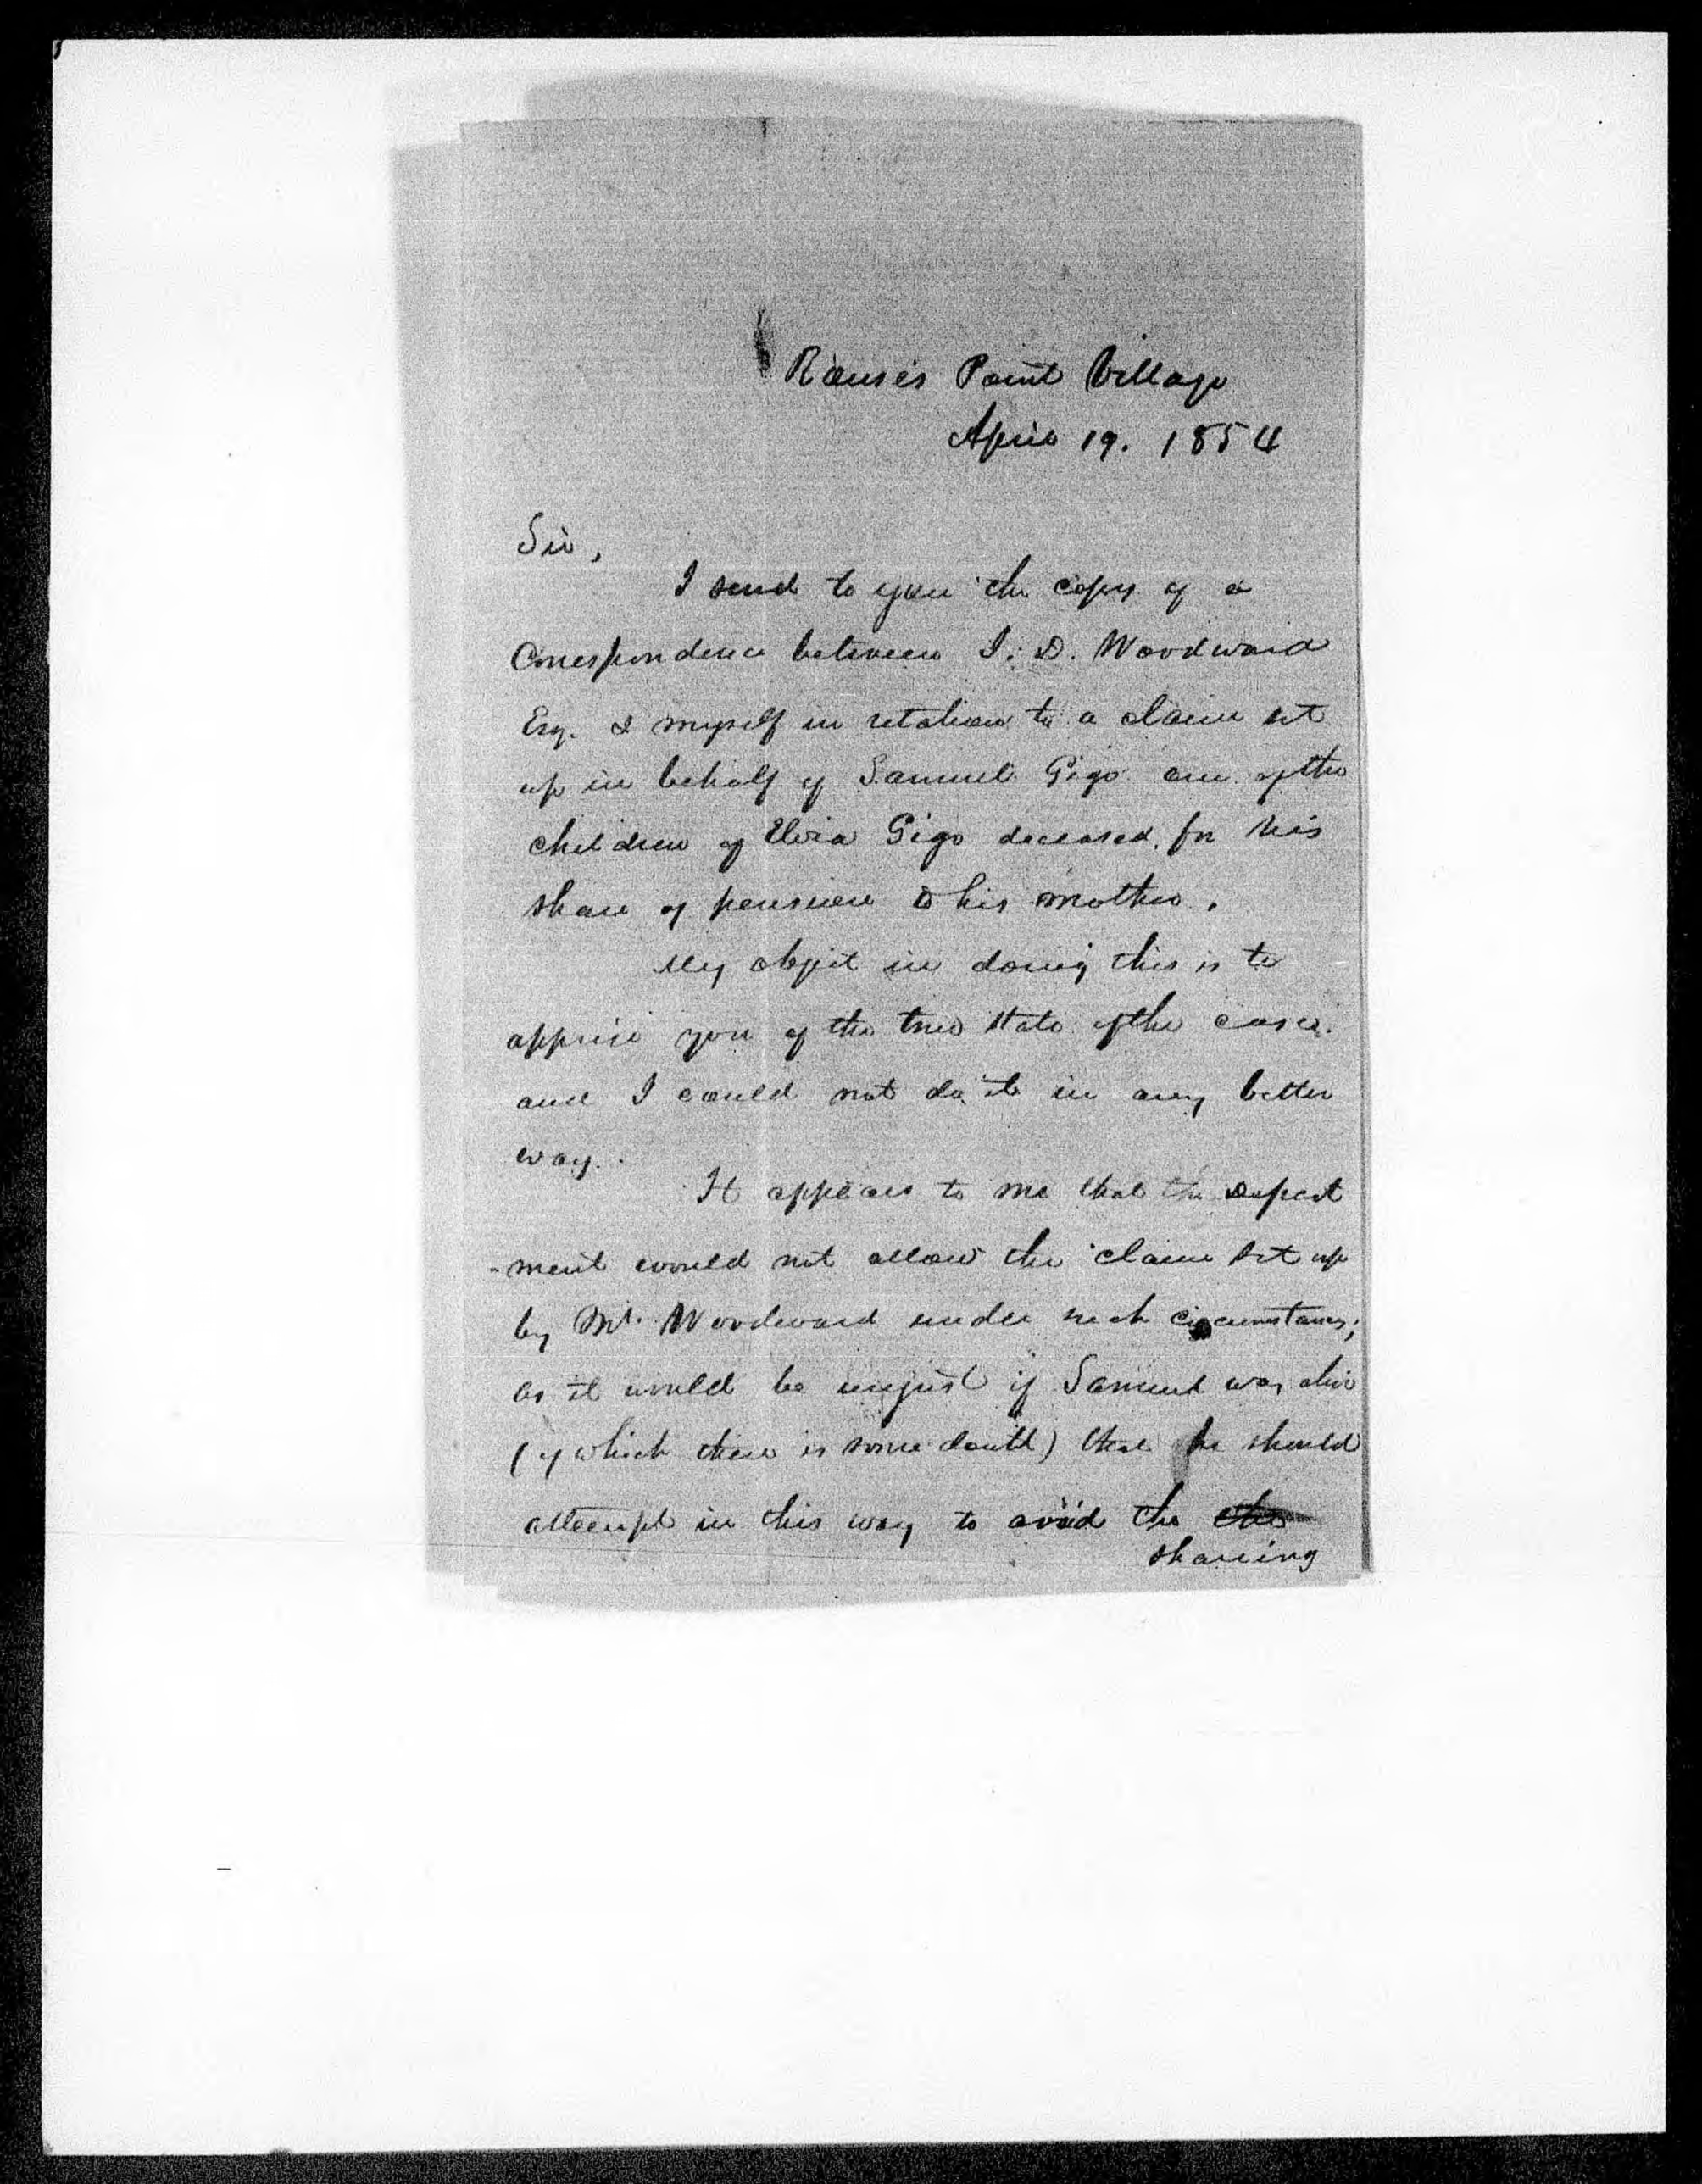Rouse's Point Village
April 19, 1854
Sir,
I send to you the copy of a correspondence between J. D. Woodward Esq. & myself in 
[illegible] to a claim set up in behalf of Samuel Gigo one of the children of Eliza Gigo, deceased for his share of pension to his mother.
My object is doing this is to apprise you of the true state of the case, and I could not do it in any better way.
It appears to be that the [illegible]ment would not allow the claim set up by Mr. Woodward under such circumstances as it would  be unjust if Samuel was alive (if which their is some douth)
that he should attempt in this way to avoid the sharing.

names: J D Woodward, Eliza Gigo, Woodward, Samuel Gigo, Samuel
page: 23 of 98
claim: widow's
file: W. 21182, Francis Gigo, Continental (Canadian)